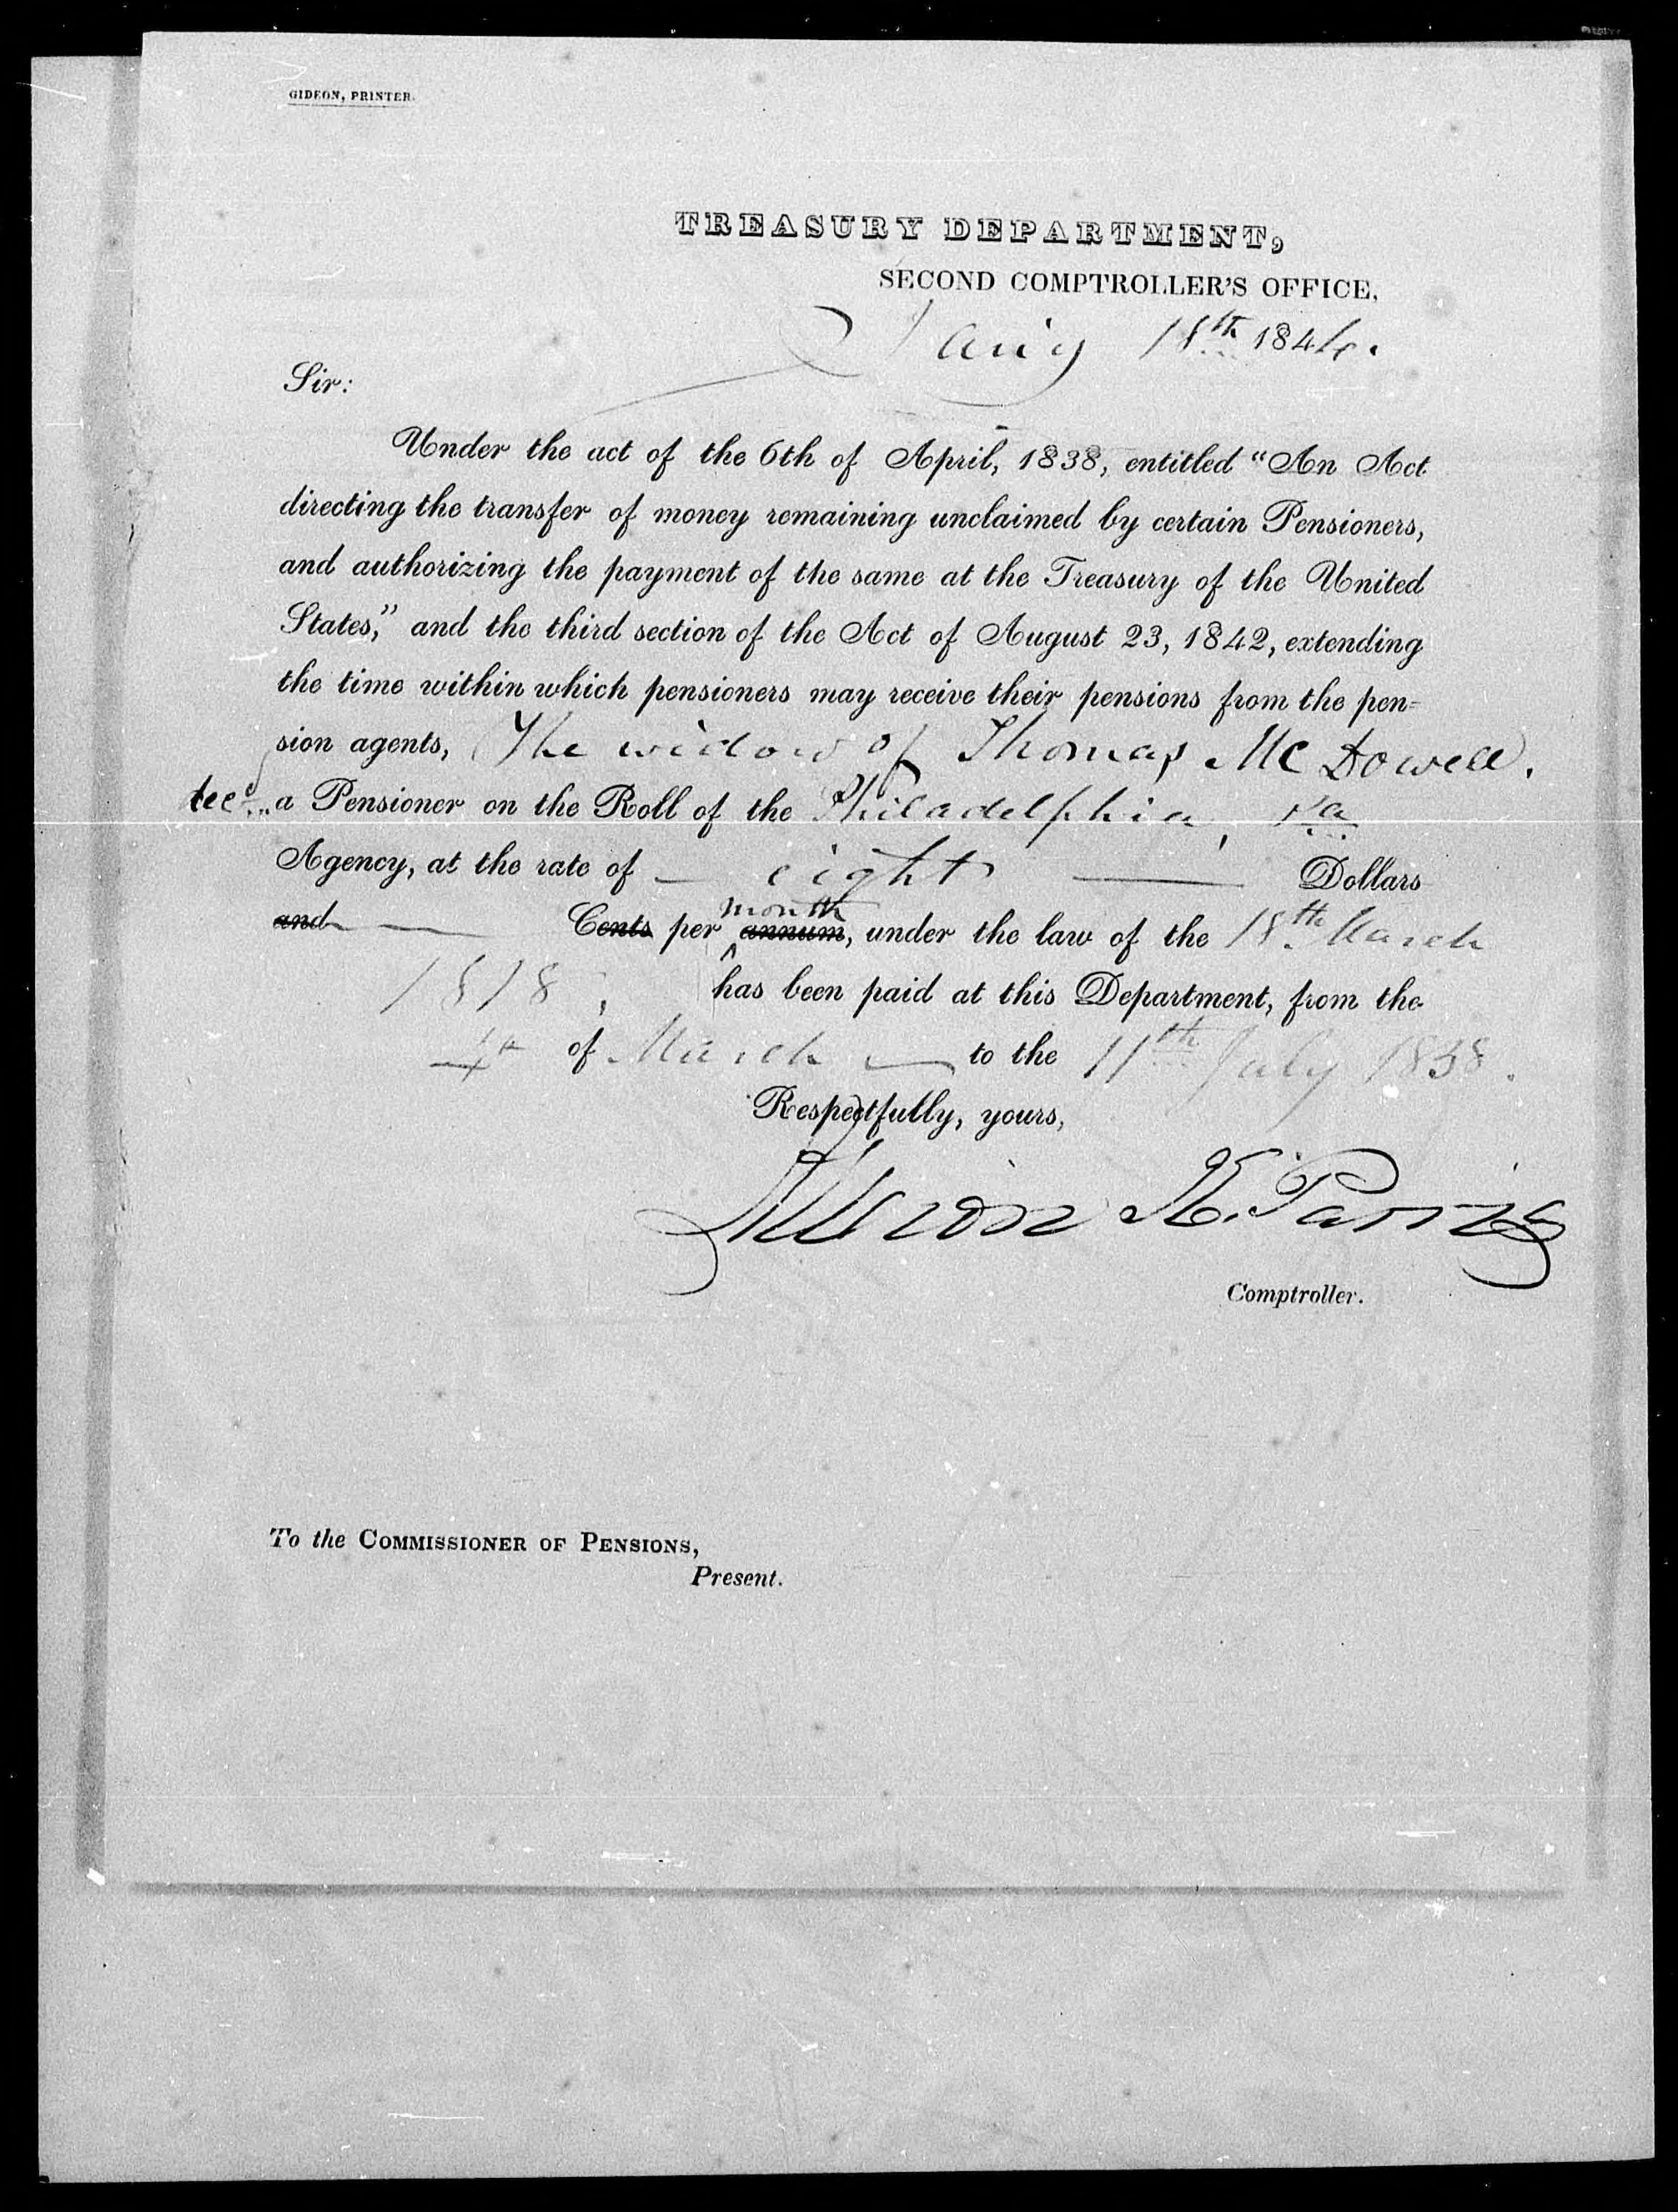GIDEON, PRINTER.

TREASURY DEPARTMENT,
SECOND COMPTROLLER'S OFFICE,
Jan'y 18th 1844.

Sir:

Under the act of the 6th of April, 1838, entitled "An Act directing the transfer of money remaining unclaimed by certain Pensioners, and authorizing the payment of the same at the Treasury of the United States," and the third section of the Act of August 23, 1842, extending the time within which pensioners may receive their pensions from the pension agents, The widow of Thomas McDowell, died a Pensioner on the Roll of the Philadelphia, Pa. Agency, at the rate of eight Dollars [crossed out] and [blank] Cents [/crossed out] per [crossed out] annum [/crossed out] month, under the law of the 18th March 1818, has been paid at this Department from the 4th of March to the 11th July 1838.

Respectfully, yours,
[illegible signature]
Comptroller.

To the COMMISSIONER OF PENSIONS,
Present.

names: Thomas Mc Dowell; Albion K Parris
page: 34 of 63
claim: widow's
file: W 2957, for Thomas Mc Dowell, Maryland